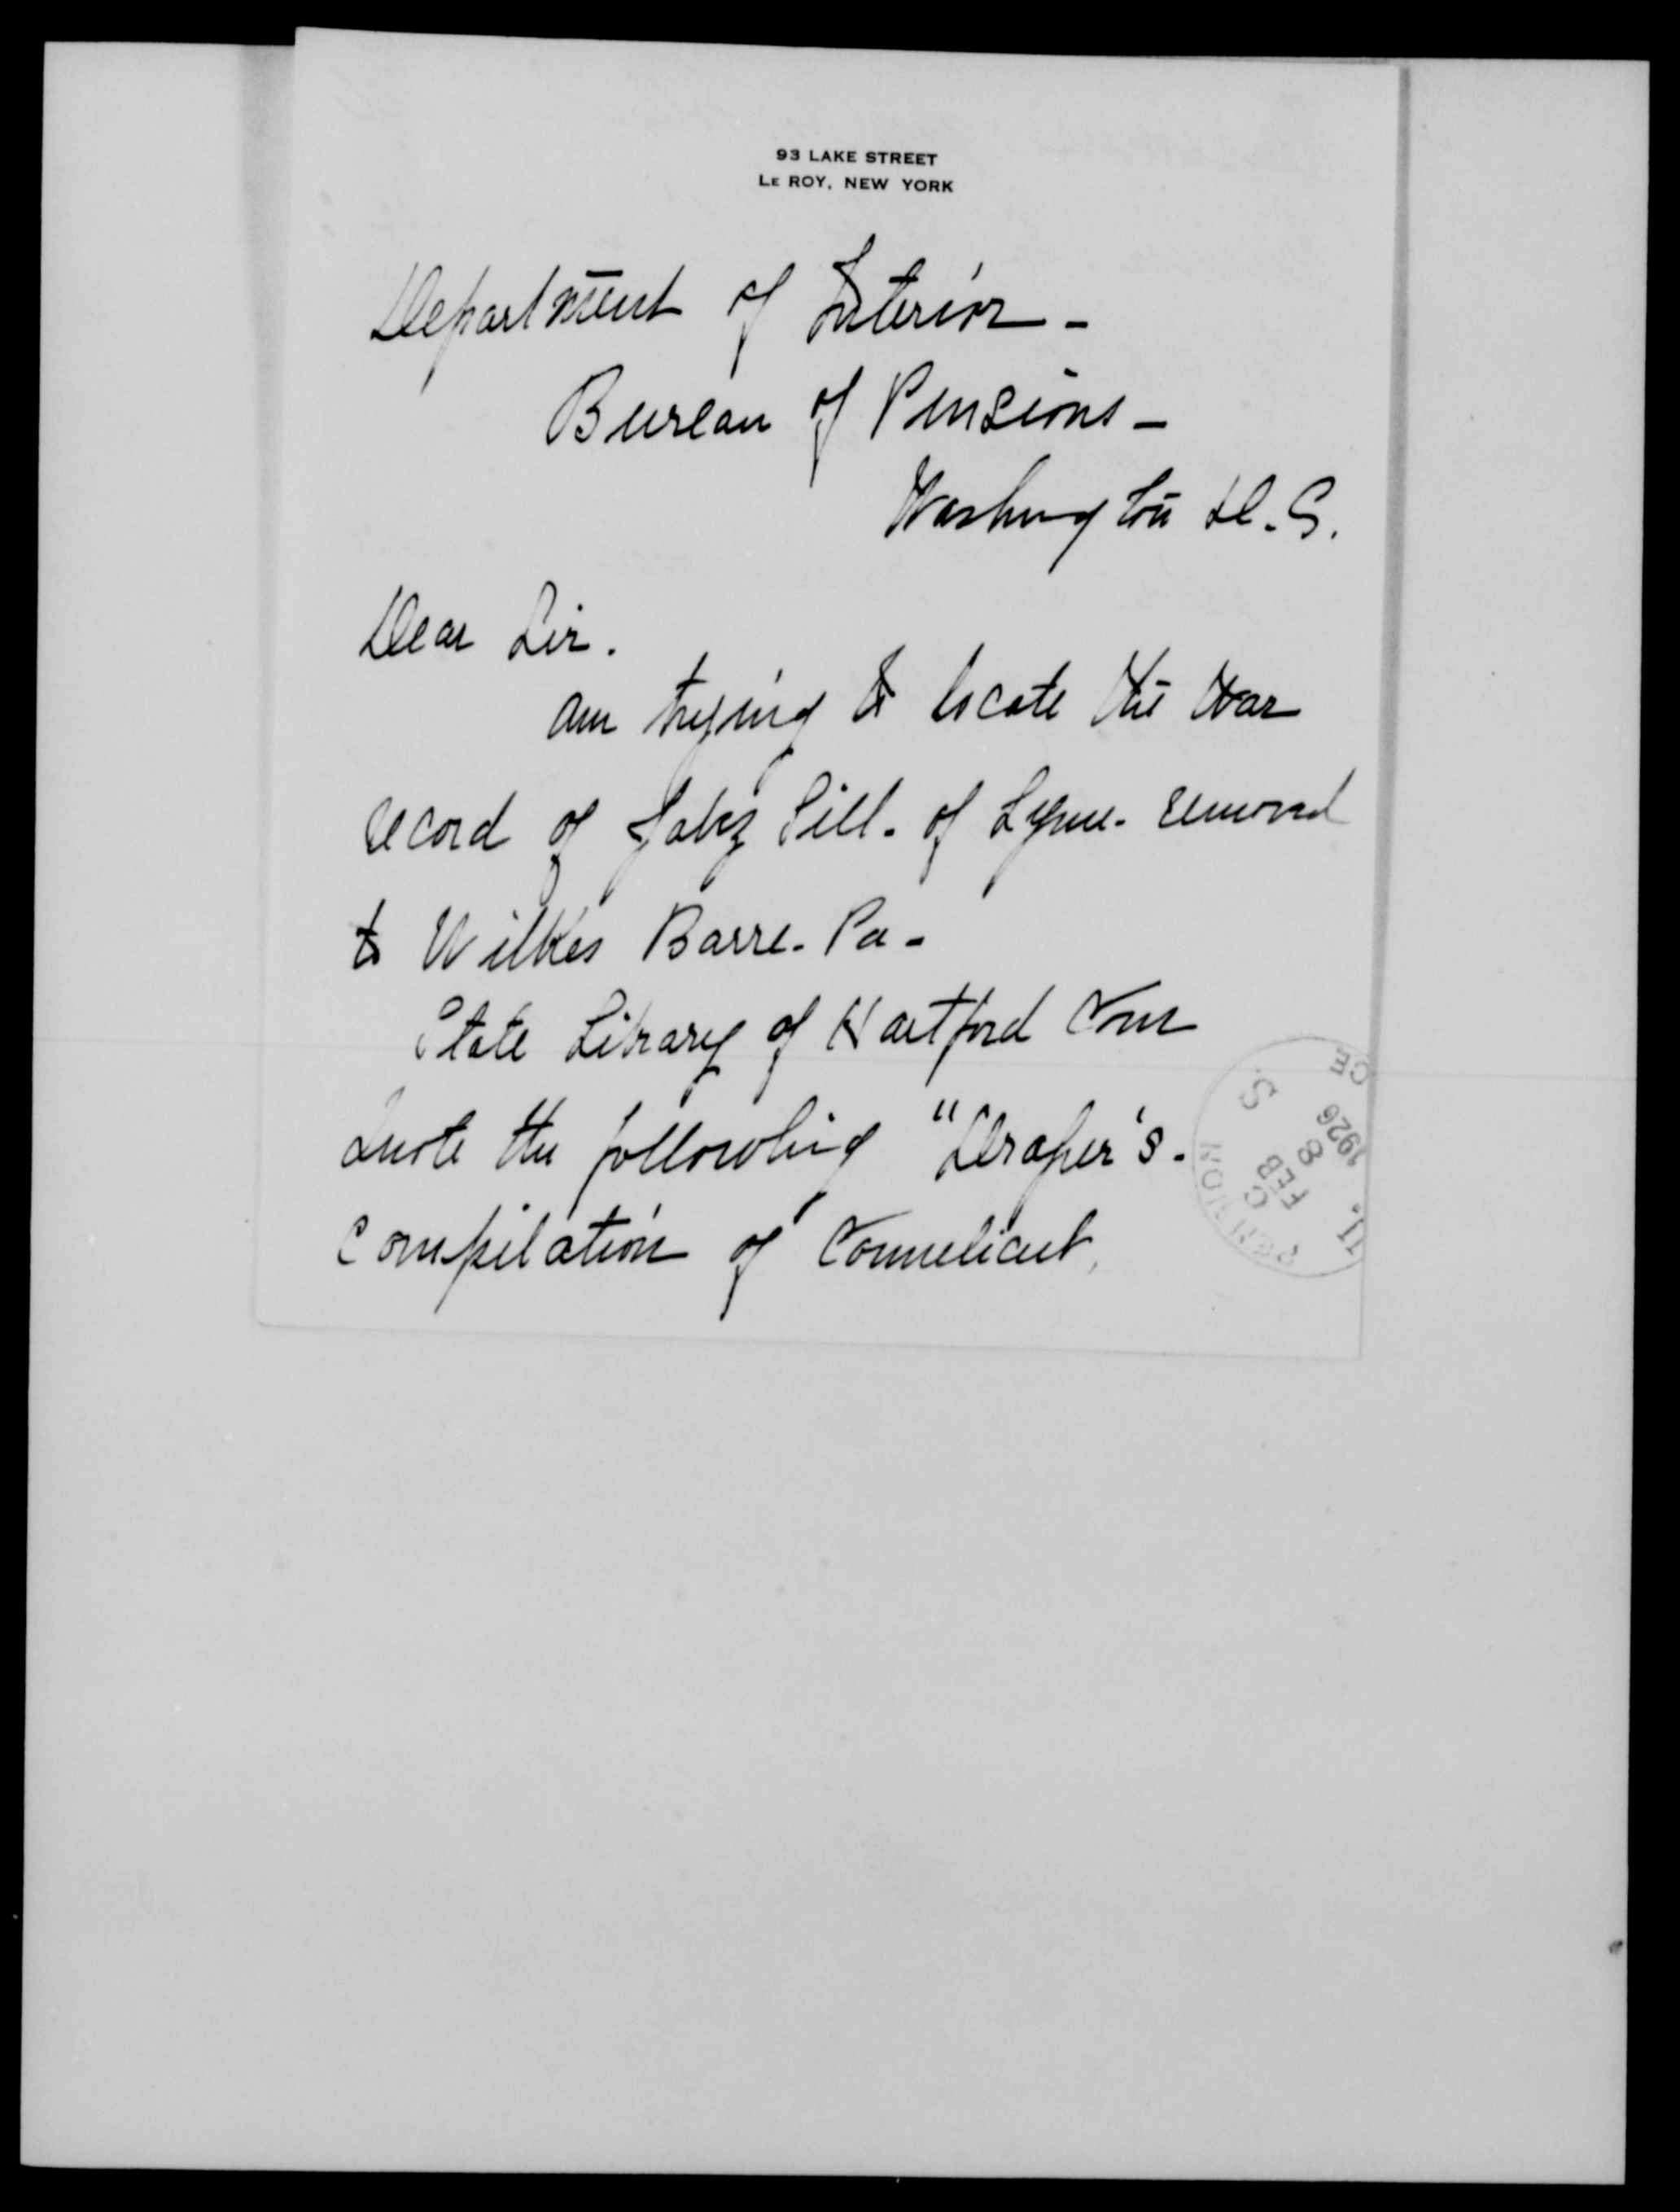93 LAKE STREET
Le ROY, NEW YORK
Department of Interior -
Bureau of Pensions -
Washington D. C.
Dear Sir.
am trying to locate the war record of Jabez Sill of Lyme - Elwood to Wilkes Barre, Pa.
State Library of Hartford Con quote the following "Draper's compilation of Connecticut,

Stamped:
PENSION 
C
FEB 8 1926
U. S.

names: Jabez Sill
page: 20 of 29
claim: rejected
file: R. 9570, for Jabez Sill, Connecticut